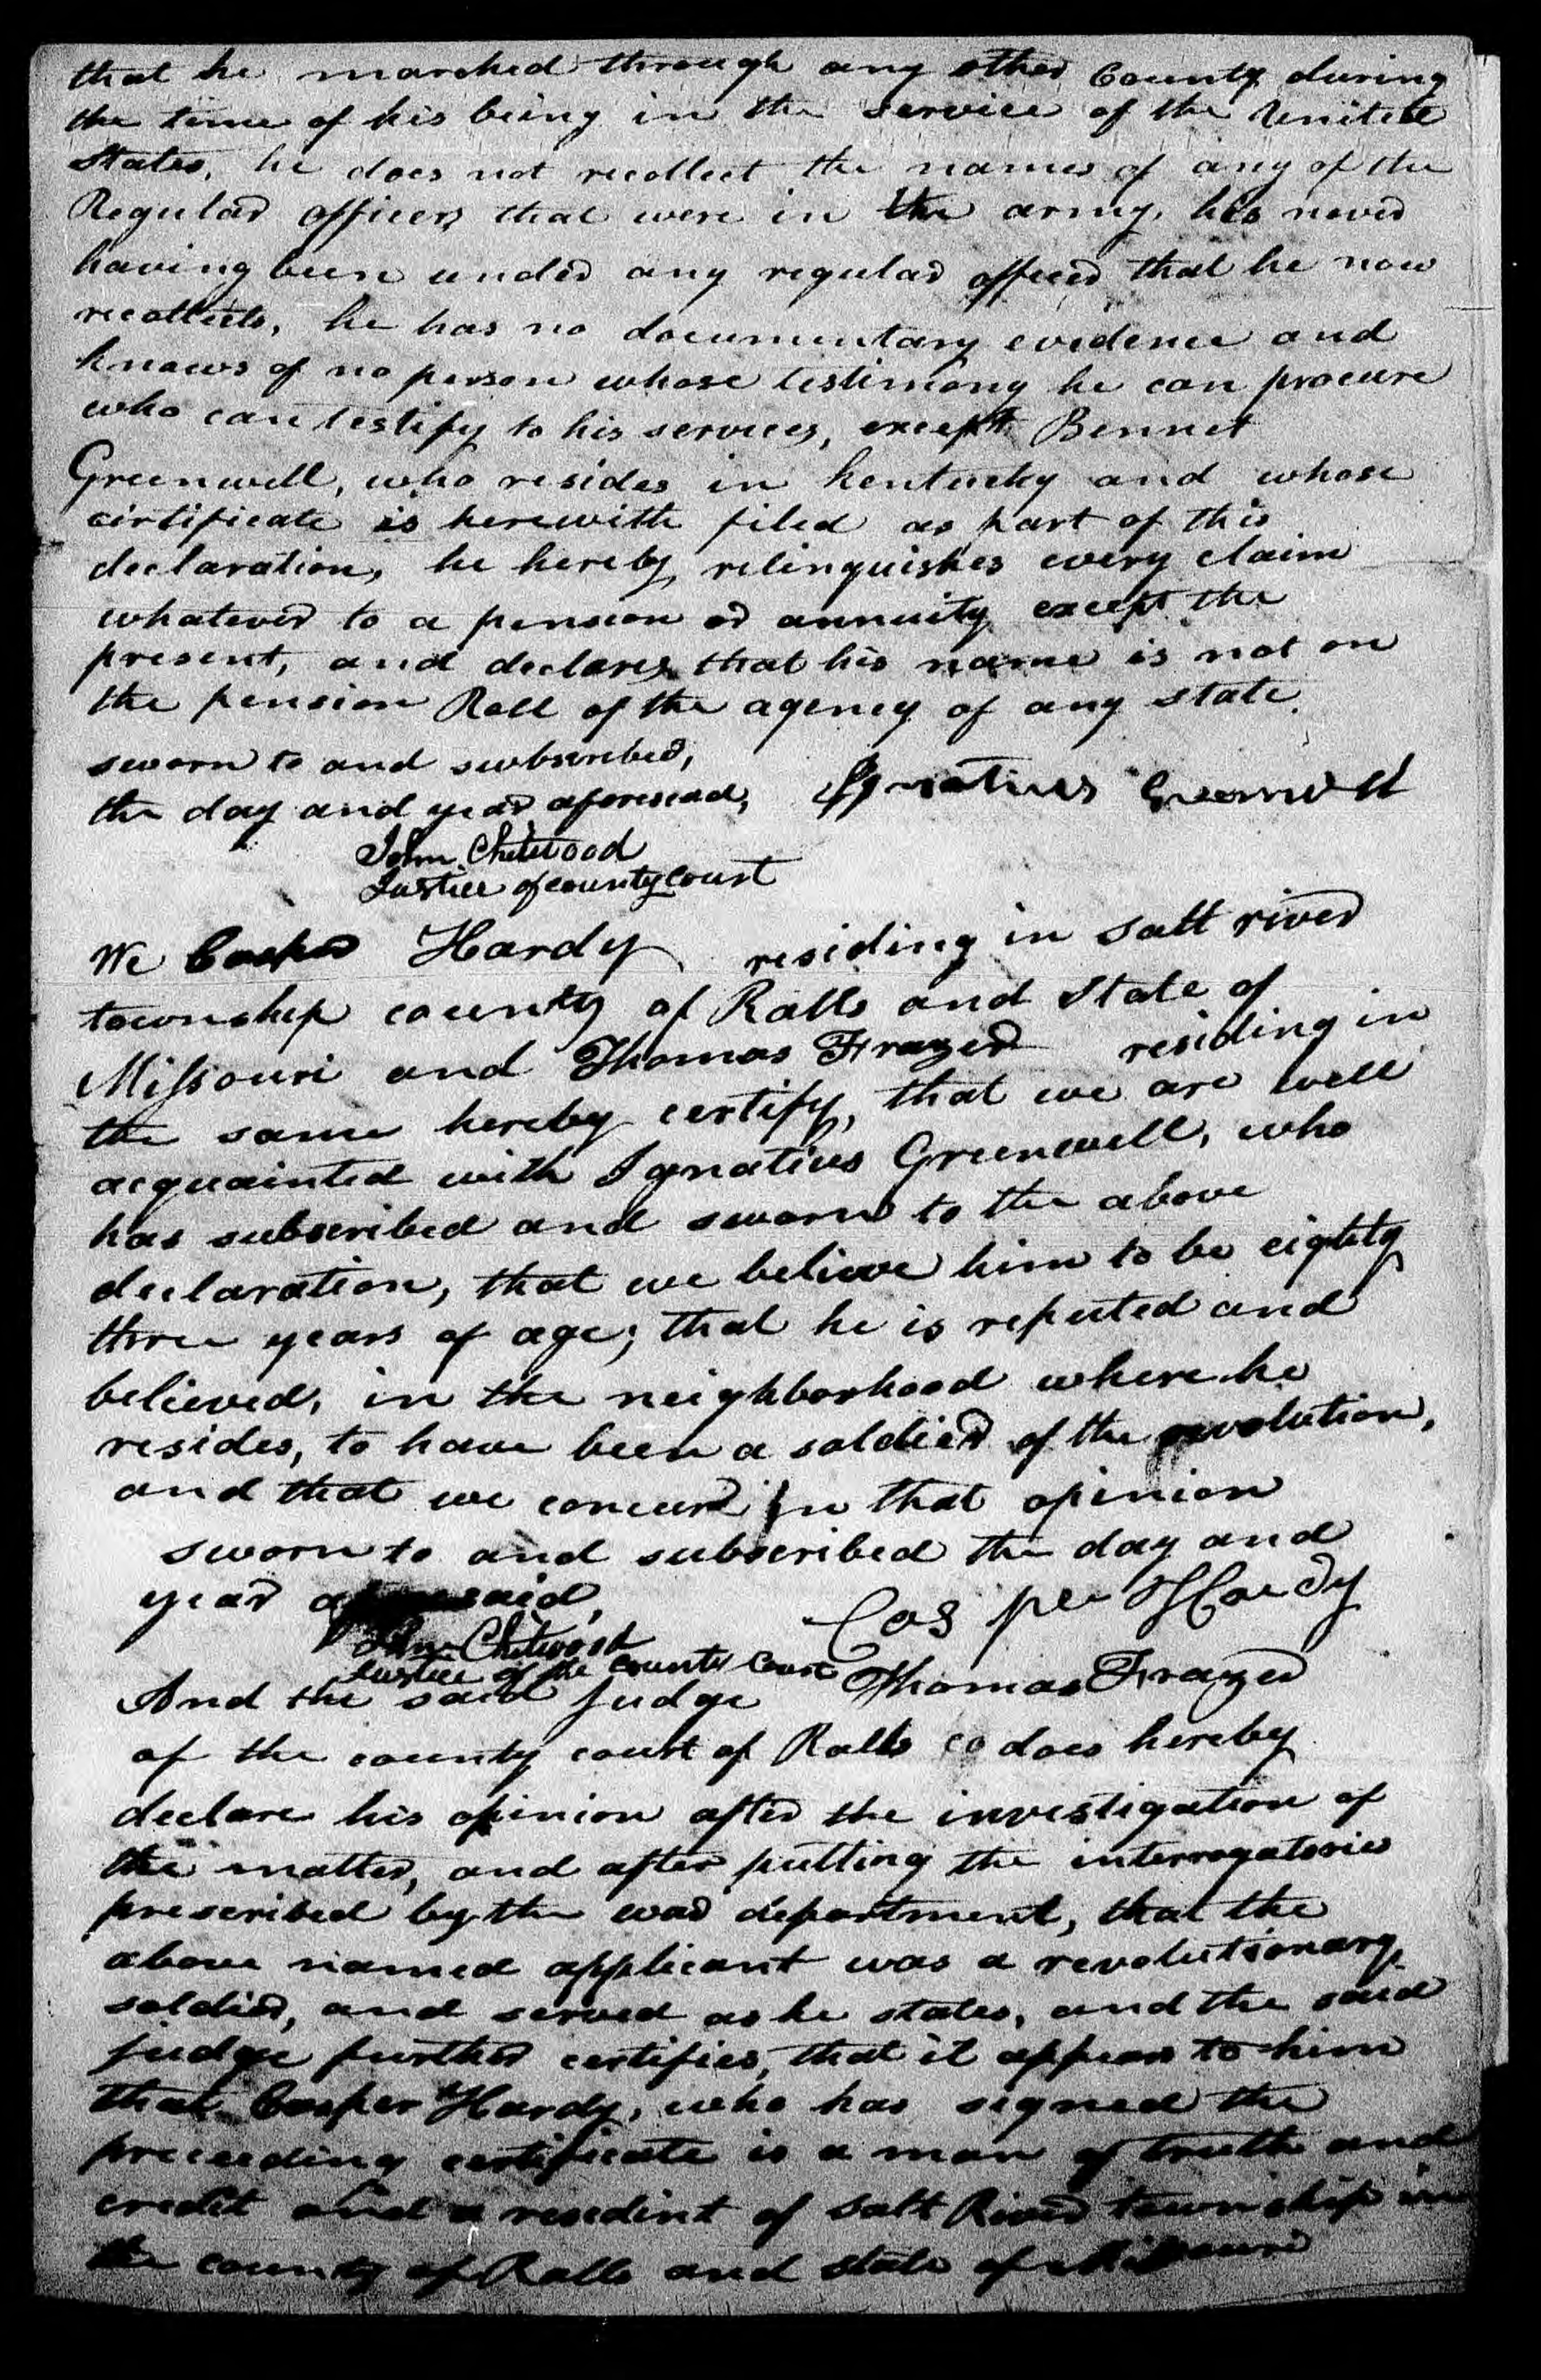that he marched through any other county during the time of his being in the services of the United States, he does not recollect the names of any of the regular officers that were in the army. he never having been under any regular officers that he now recollects, he has no documentary evidence and knows of no person whose testimony he can procure who can testify to his services, except Bennet Greenwell who resides in Kentucky and whose certificate is herewith filed as part of this declaration. he hereby relinquishes every claim whatever to a pension or annuity except the present and declares that his name is not on the pension roll of the agency of any state sworn to and subscribed the day and year aforesaid

John Chitwood
Justice of the County Court

Ignatius Greenwell

We Casper Hardy residing in Salt River township county of Ralls and state of Missouri and Thomas Frazer residing in the same hereby certify that we are well acquainted with Ignatius Greenwell who has subscribed and sworn to the above declaration that we believe him to be eighty-three years of age that he is reputed and believed in the neighborhood where he resided to have been a soldier of the revolution and that we concur in that opinion. Sworn to and subscribed the day and year aforesaid.

Casper Hardy
Thomas Frazer

John Chitwood - Justice of the Court

And the said judge of the county court of Ralls does hereby declare his opinion after the investigations of this matter and after putting the interrogatories prescribed by the war department that the above named applicant was a revolutionary soldier and served as he states and the said Judge further certifies that it appears to him that Casper Hardy who has signed the preceding certificate is a man of truth and credit and a resident of Salt River township in the county of Ralls and state of Missouri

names: Casper Hardy, Casper Hardy, Ignatius Greenwell, John Chitwood, Thomas Frazer, Casper Hardy, Ignatius Greenwell, Thomas Frazer, John Chitwood, Bennet Greenwell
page: 4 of 19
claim: survivor's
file: S. 16836, Ignatus Greenwell, Md.